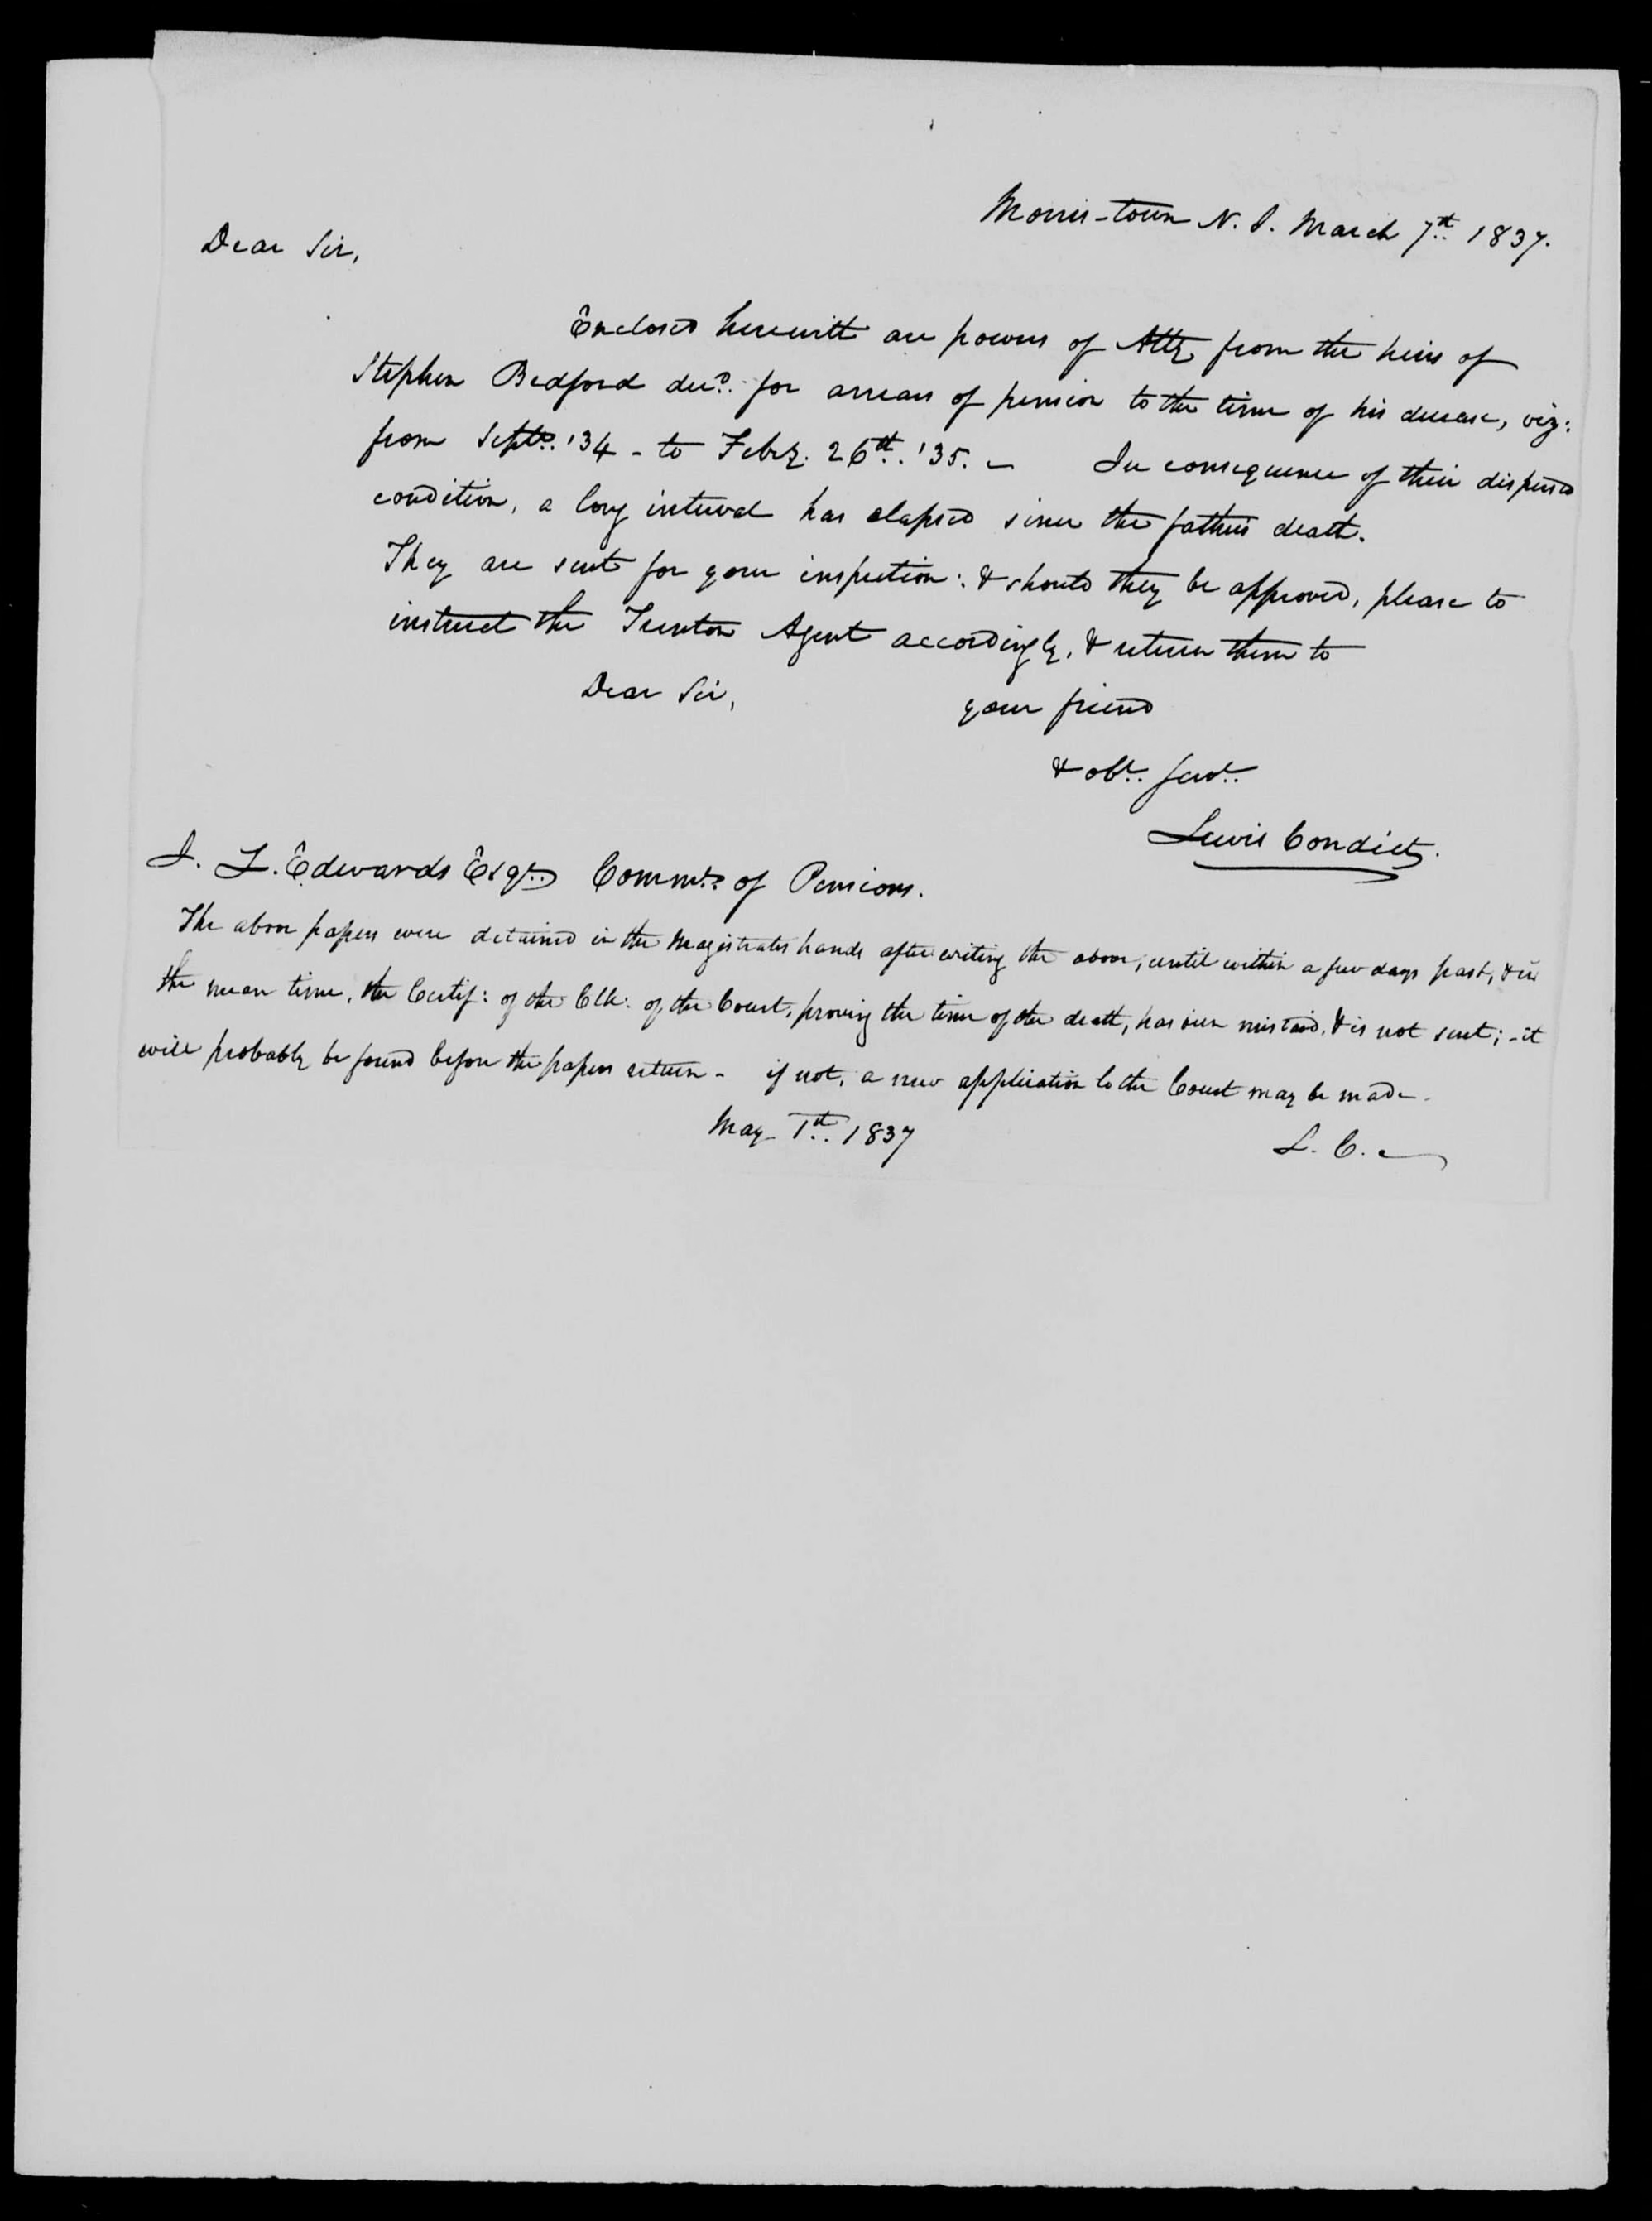Morristown N.J. March 7th 1837.
Enclosed herewith are powers of Atty from the heirs of Stephen Bedford decd. for arrears of pension to the time of his decease, viz: from Septr. '34 to Feby. 26th '35. In consequence of their disputed condition, a long interval has elapsed since the father's death.
They are sent for your inspection & should they be approved, please to instruct the Trenton Agent accordingly, & return them to
Dear Sir, your friend
& obt. Servt.
Lewis Condict.

J. L. Edwards Esqr. Commr of Pensions
The above papers were returned in the Magistrates hands after writing the above, until within a few days past, & in the mean time, the Certif: of the Clk. of the Court, proving the time of the death, has been mislaid & is not sent; it will probably be found before the papers return. if not, a new application to the Court may be made.
May 1st 1837 L. C.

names: Lewis Condict, Stephen Bedford, J L Edwards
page: 22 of 31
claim: survivor's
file: S. 2372, Stephen Bedford, New Jersey